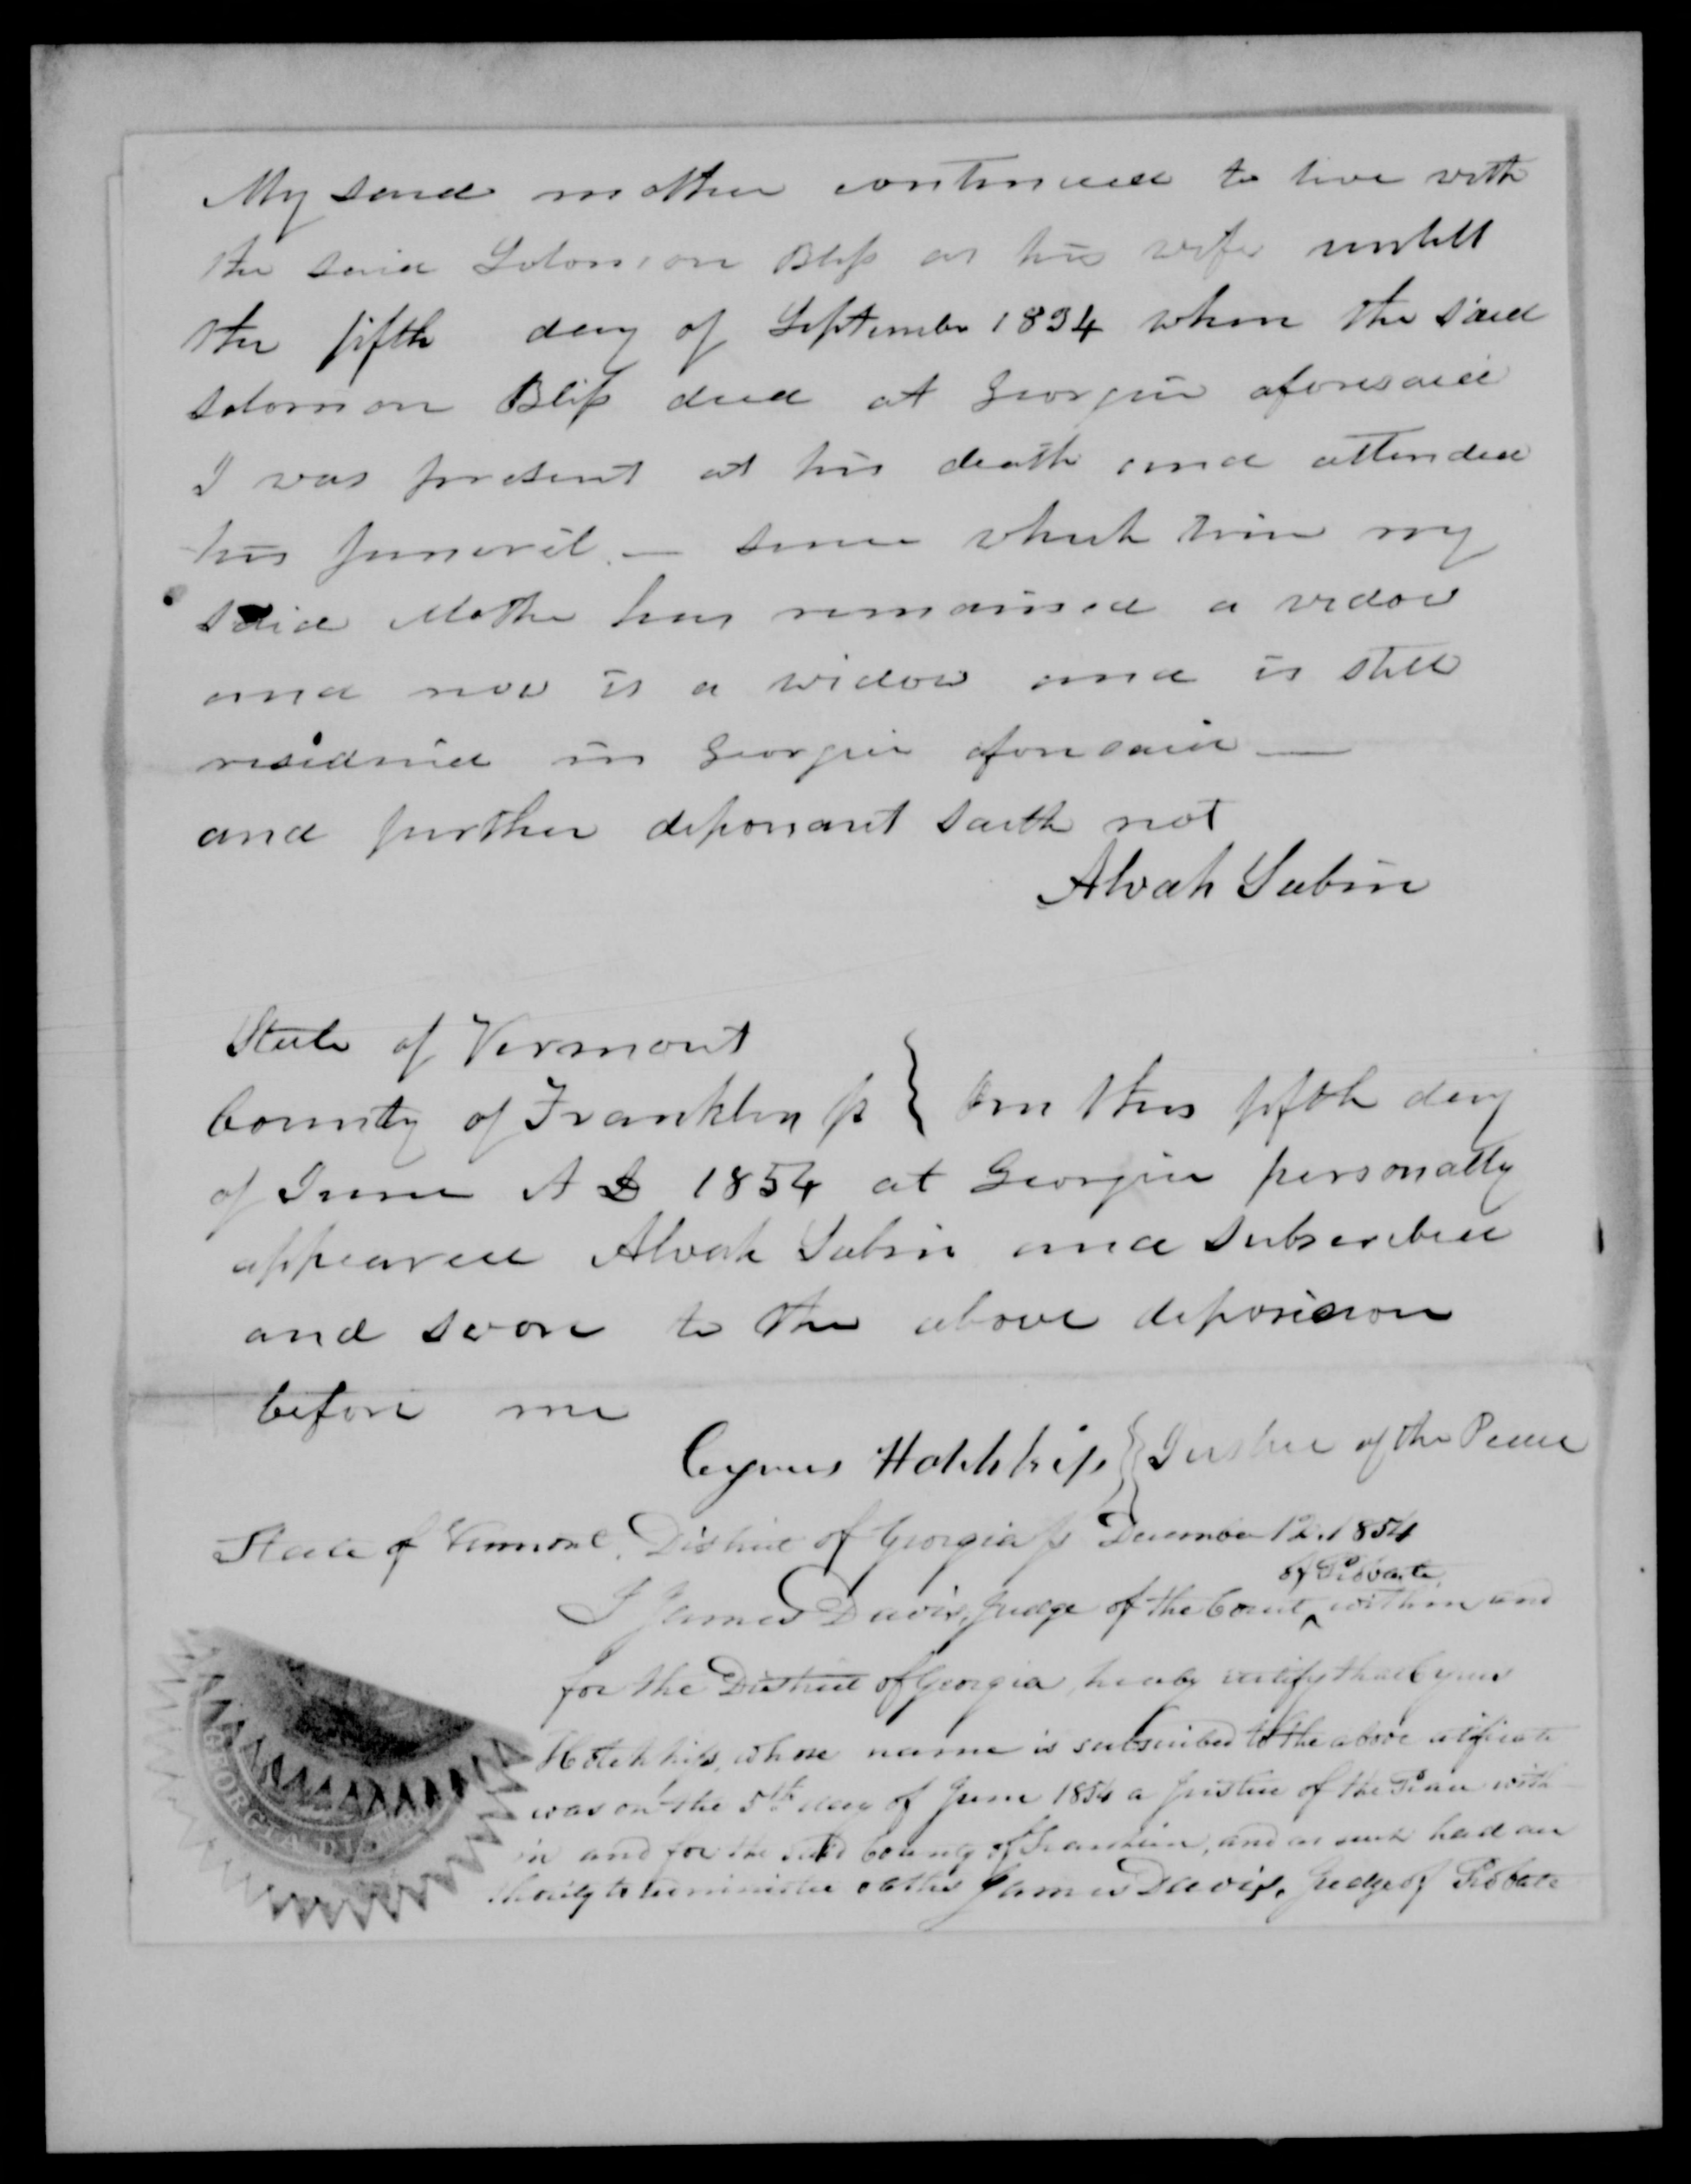My said Mother continued to live with the said Solomon bliss as his wife untill the fifth day of September 1854 when the said Solomon Bliss died at Georgia aforesaid. I was present at his death and attended his funeral--since which time my said Mother has remained a widow and now is a widow and is still residence in Georgia aforesaid--and further deponant saith not.
Alvah Sabin

State of Vermont
County of Franklin, ss. On this fifth day of June A.D. 1854 at Georgia personally appeared Alvah Sabin and subscribed and swore to the above deposision before me
Cyrus Hotchkiss, Justice of the peace

State of Vermont, District of Georgia SS 
December 12, 1854
I James Davis, Judge of the Court of Probate within and for the District of Georgia hereby certify that Cyrus Hotchkiss whose name is subscribed to the above affidavit was on the 5th day of June 1854 a justice of the Peace within and for the said County of Franklin and as such has authority to administer oaths.
James Davis, Judge of Probate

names: Solomon Bliss, James Davis, Cyrus Hotchkiss, Alvah Sabin, Cyrus Hotchkiss, Solomon Bliss, James Davis, Alvah Sabin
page: 11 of 64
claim: widow's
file: W. 5831, Edmund Town, Mass.